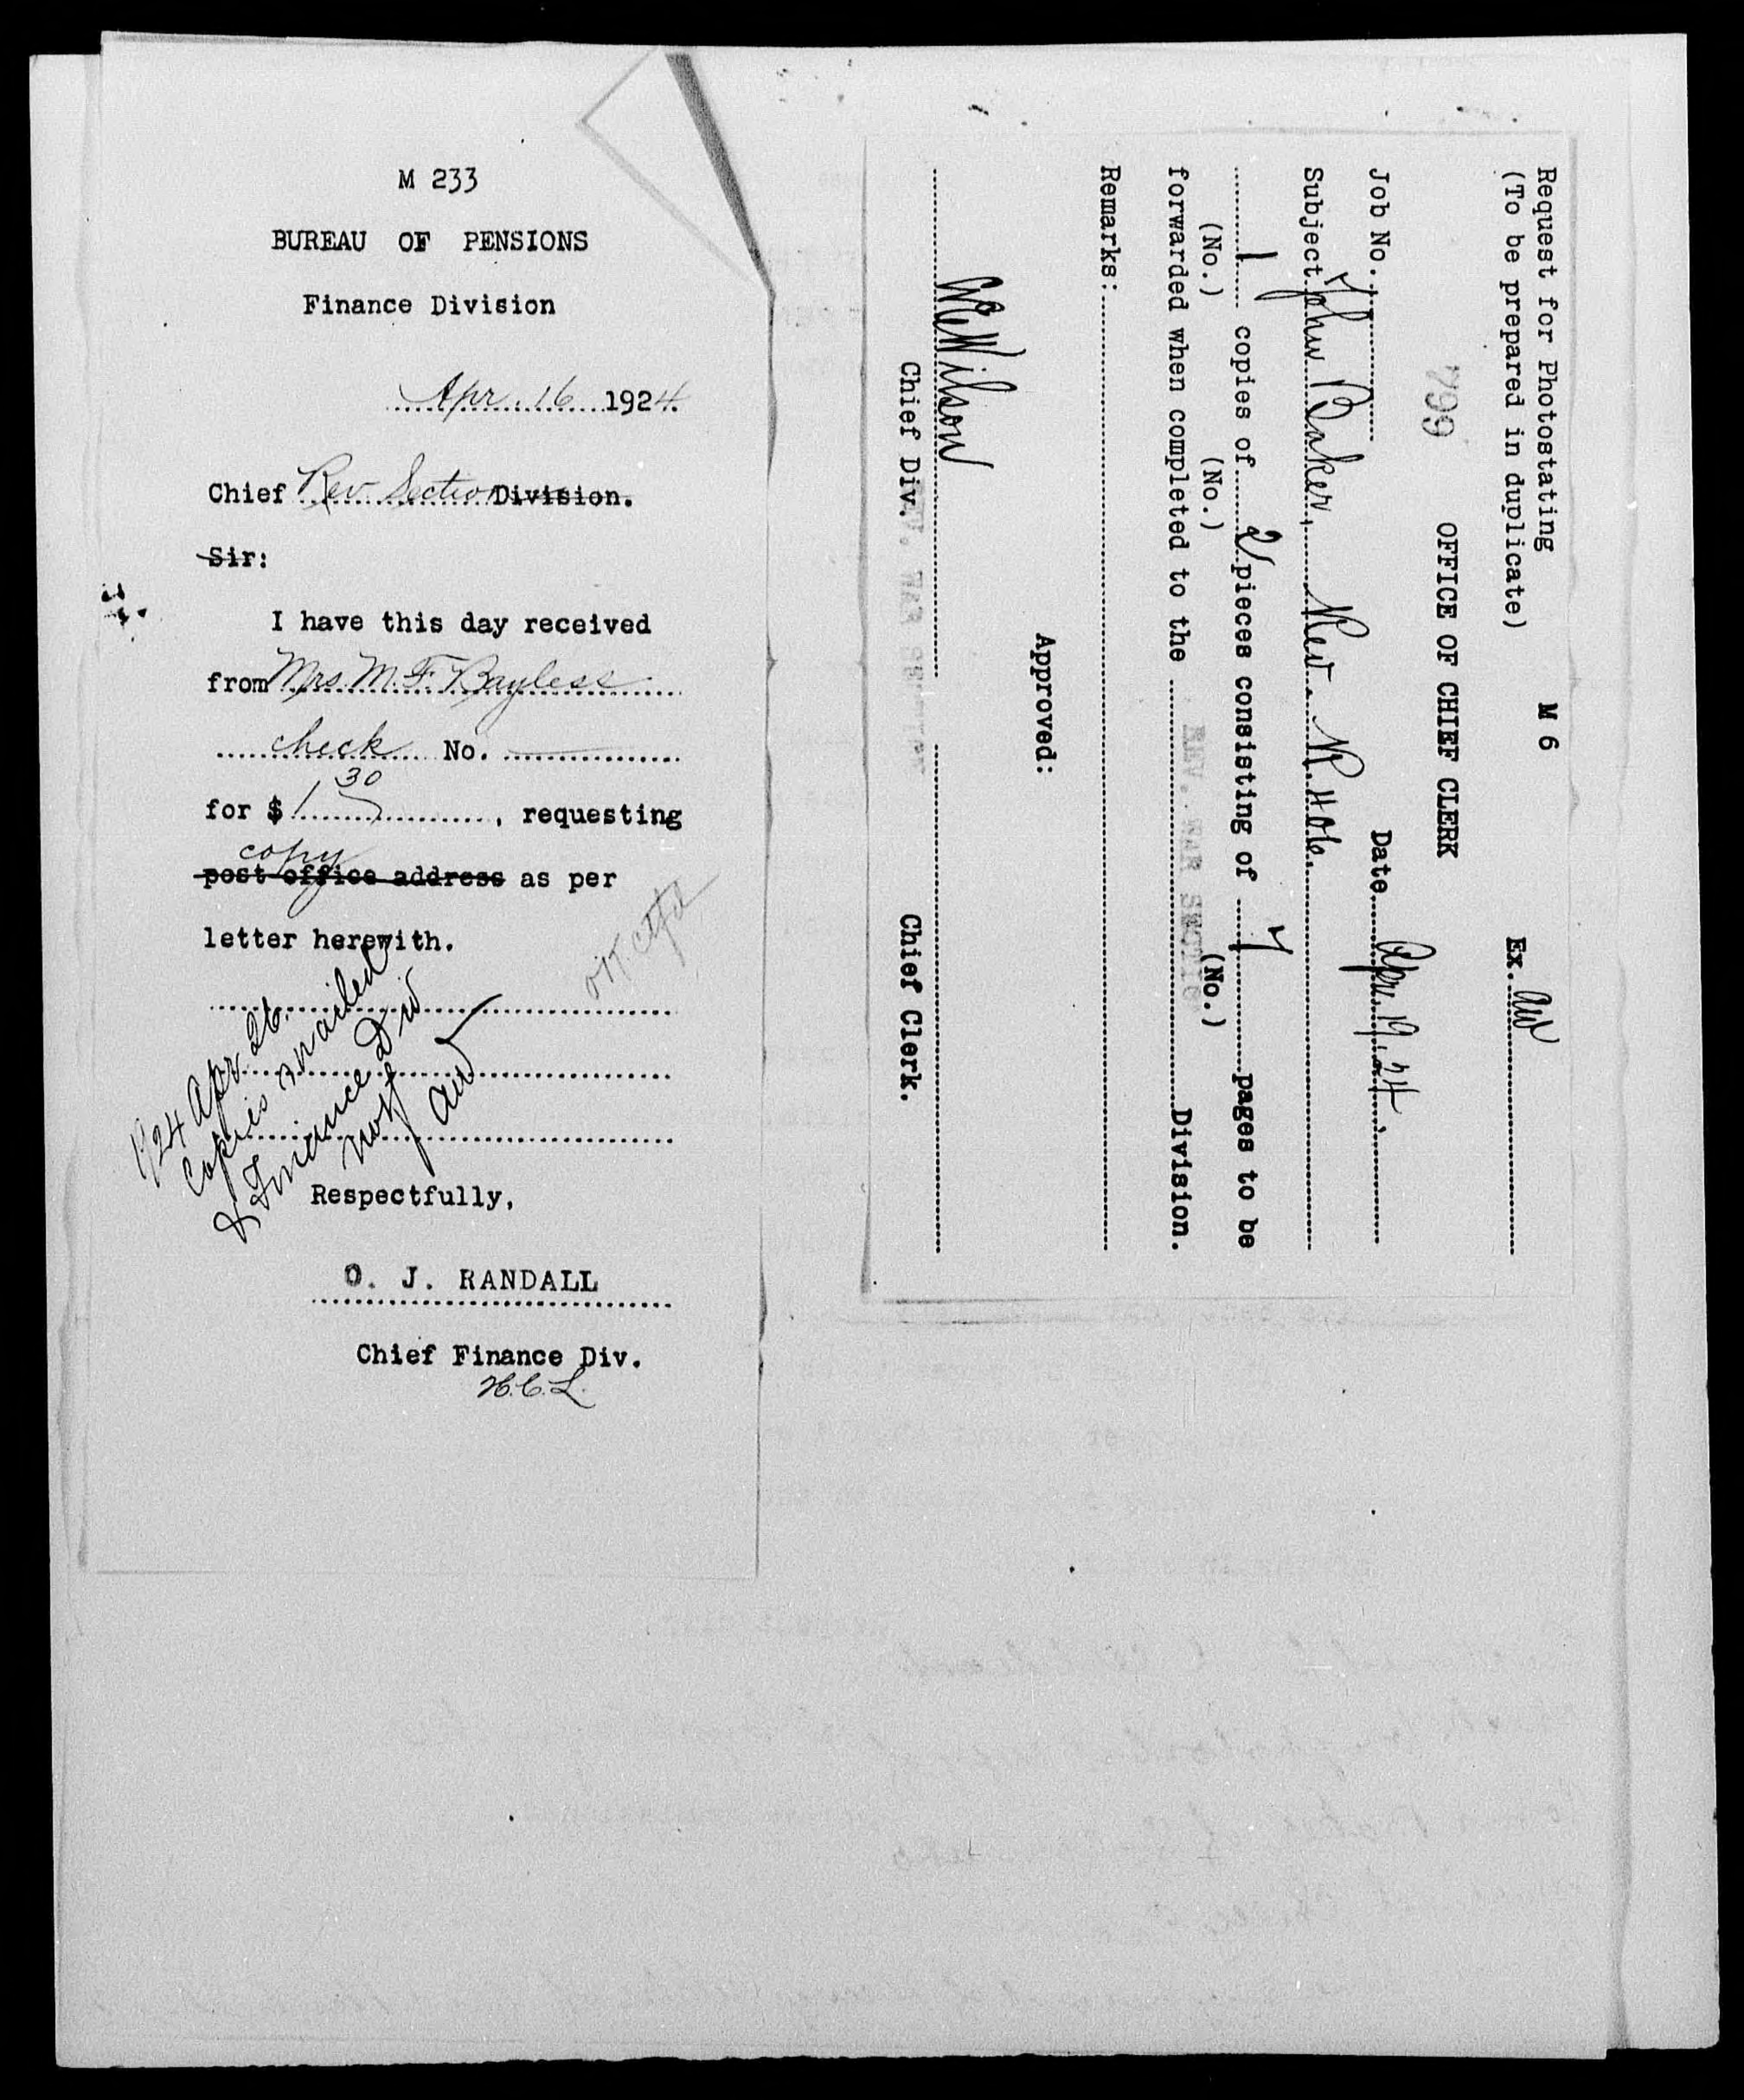[first page]
M 233 BUREAU OF PENSIONS Finance Division
Apr. 16 1924.
Chief Rev. Section 
I have this day received from Mrs. M. F. Bayless check no. for $1.30, requesting copy as per letter herewith.
1924 Apr 26. copies mailed & Finance Div notif. AW
MT ctfd
Respectfully, O. J. Randall
Chief Finance Div.
H.C.L.
[second page]
Request for Photostating
 (To be prepared in duplicate) M 6
Ex. AW
Job No. 799
OFFICE OF CHIEF CLERK
Date: Apr. 19, 24.
Subject John Baker, Rev. R. 406
1 copies of 2 pieces consisting of 7 pages to be forwarded when completed to the Rev. War Section Division.
Approved: Will Wilson
Chief Div.
Chief Clerk.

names: W E Wilson, M F Bayless, R Hole, O J Randall, John Baker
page: 25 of 27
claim: rejected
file: R. 406, John Baker, S.C.